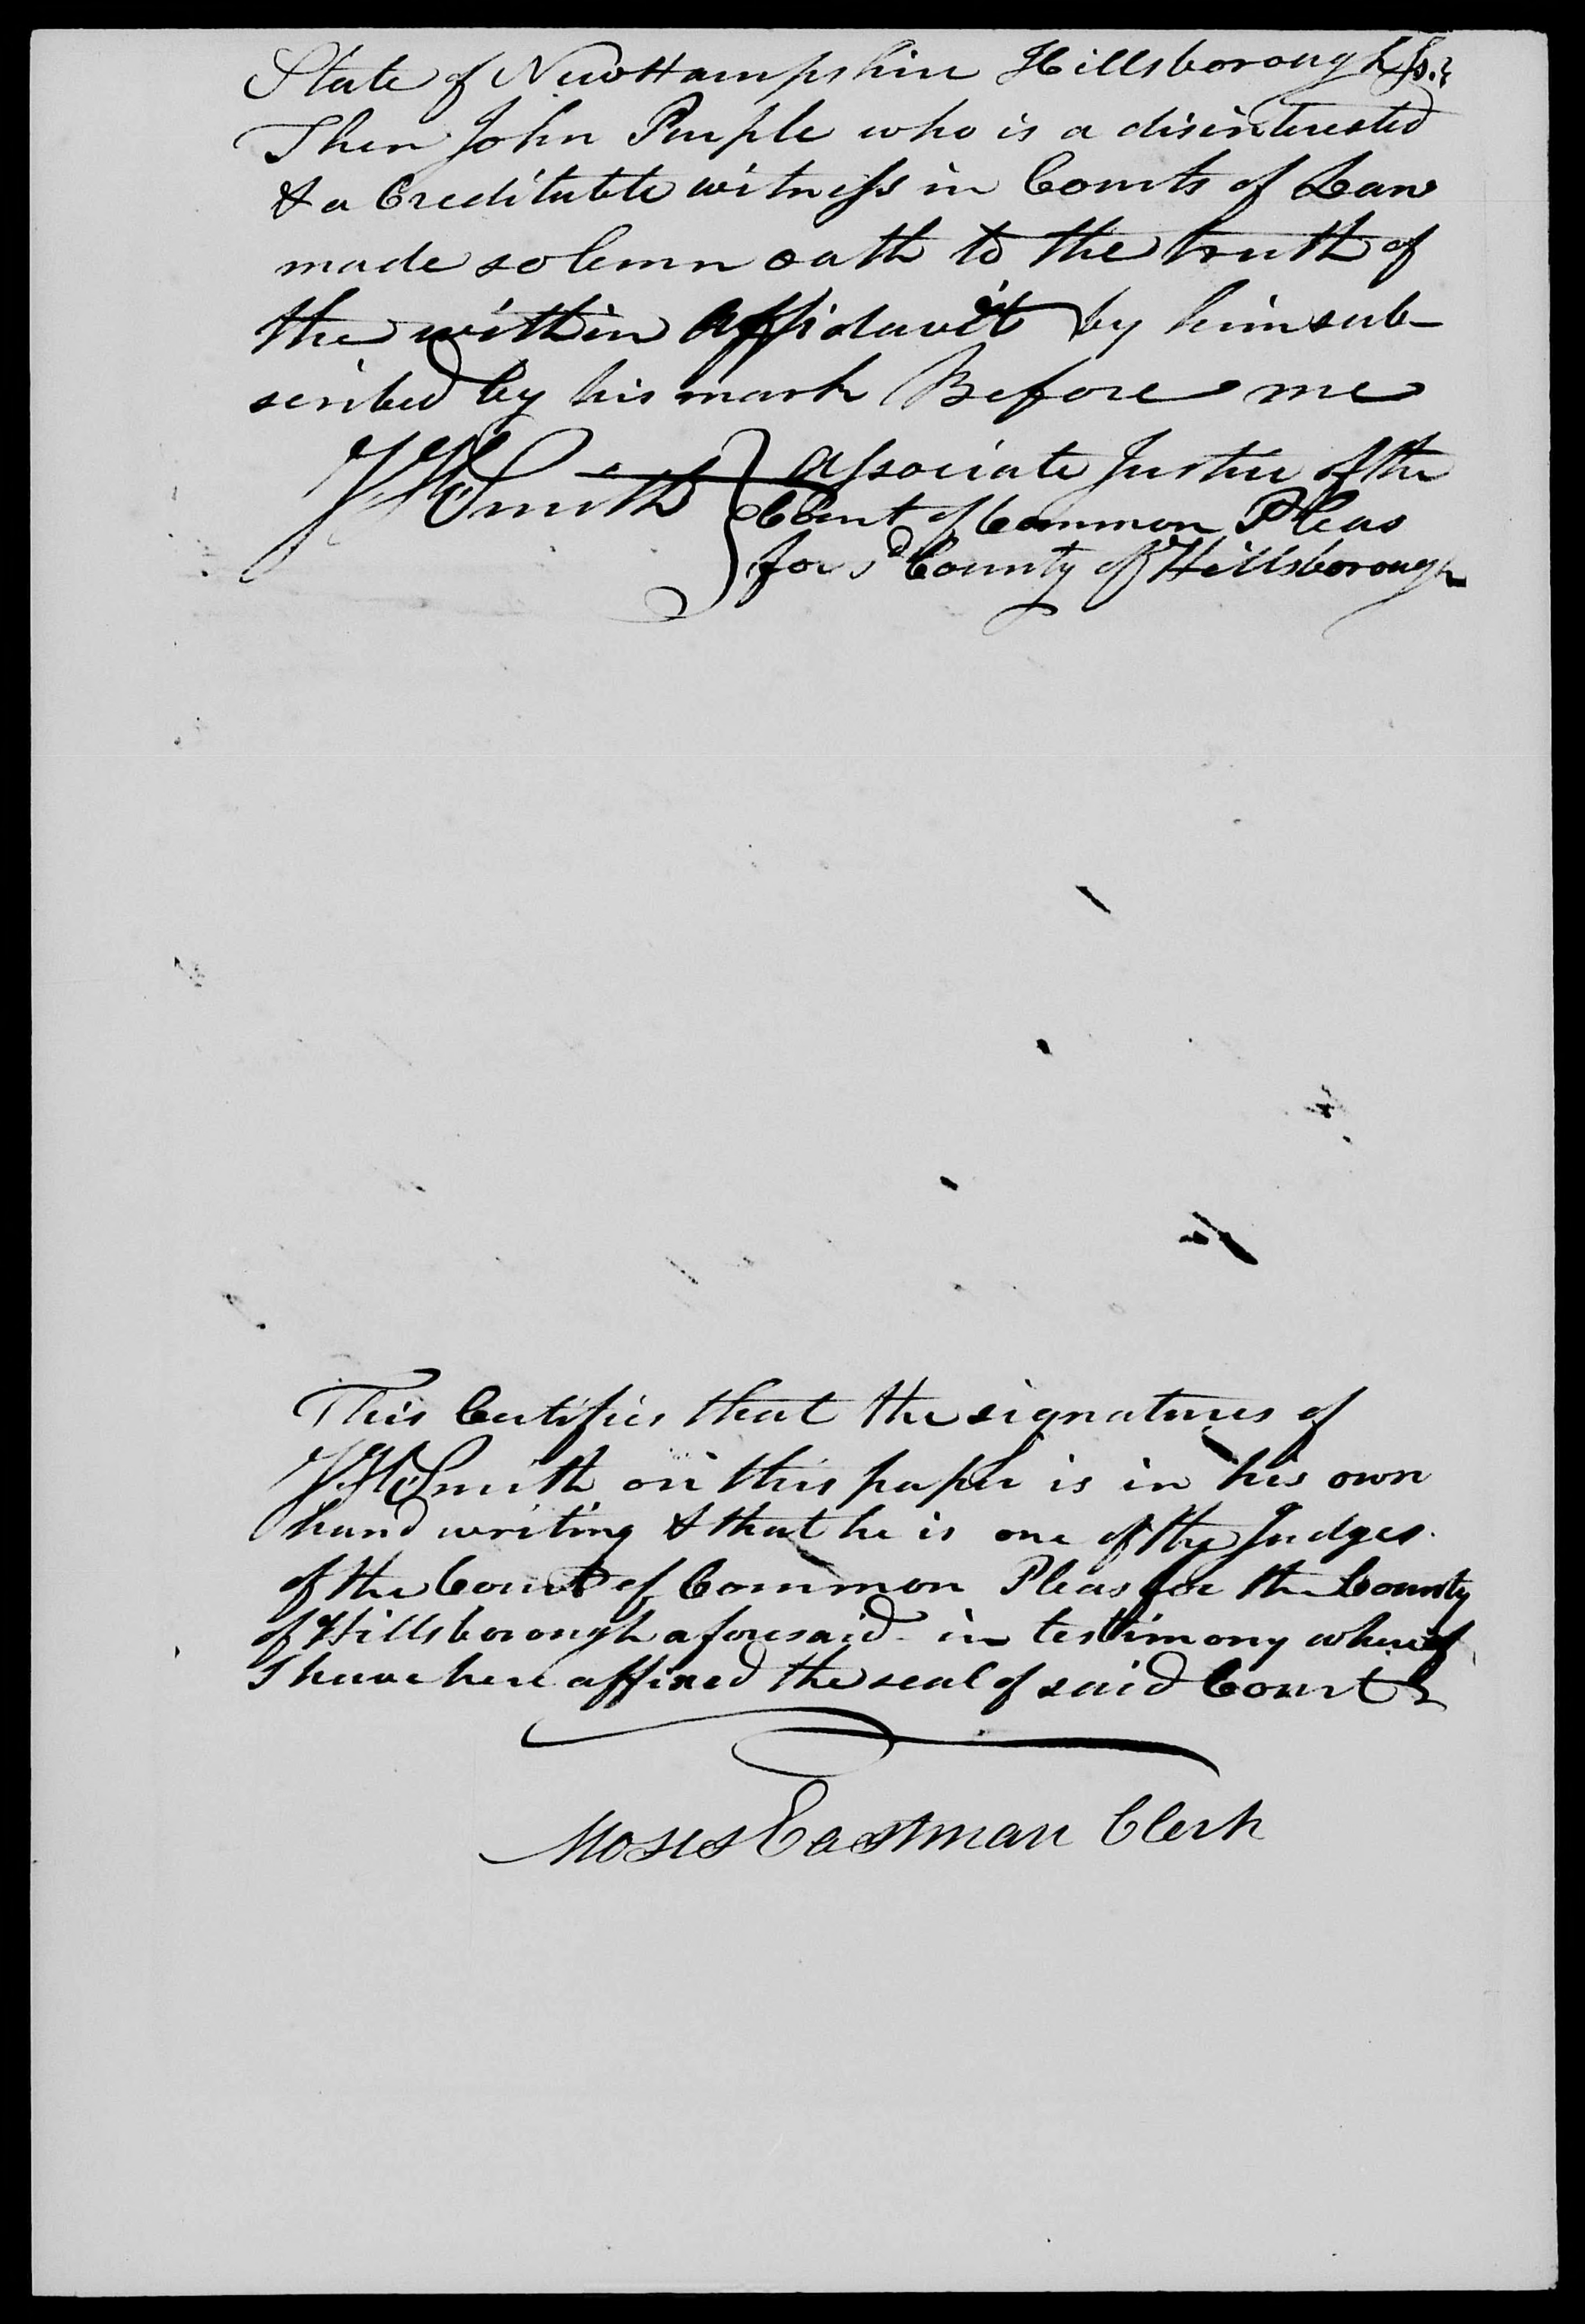State of New Hampshire Hillsborough ss. }
then John Purple who is a disinterested
& a creditable witness in Courts of [illegible]
made solemn oath to the truth of
the withn affidavit by him subscribed
by his mark Before me
[illegible] Smith } Associate Justice of the
Court of Common Pleas
for [illegible] County of Hillsborough 

This Certifies that the signatures of 
[illegible] H. Smith on this paper is in his own
handwriting & that he is one of the Judges
of the Court of Common Please for the County
of Hillsborough aforesaid in testimony whereof
I have here affixed the seal of said Court
Moses Eastman Clerk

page: 24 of 30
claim: widow's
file: W. 23,904, for Nathan Martin, New Hampshire